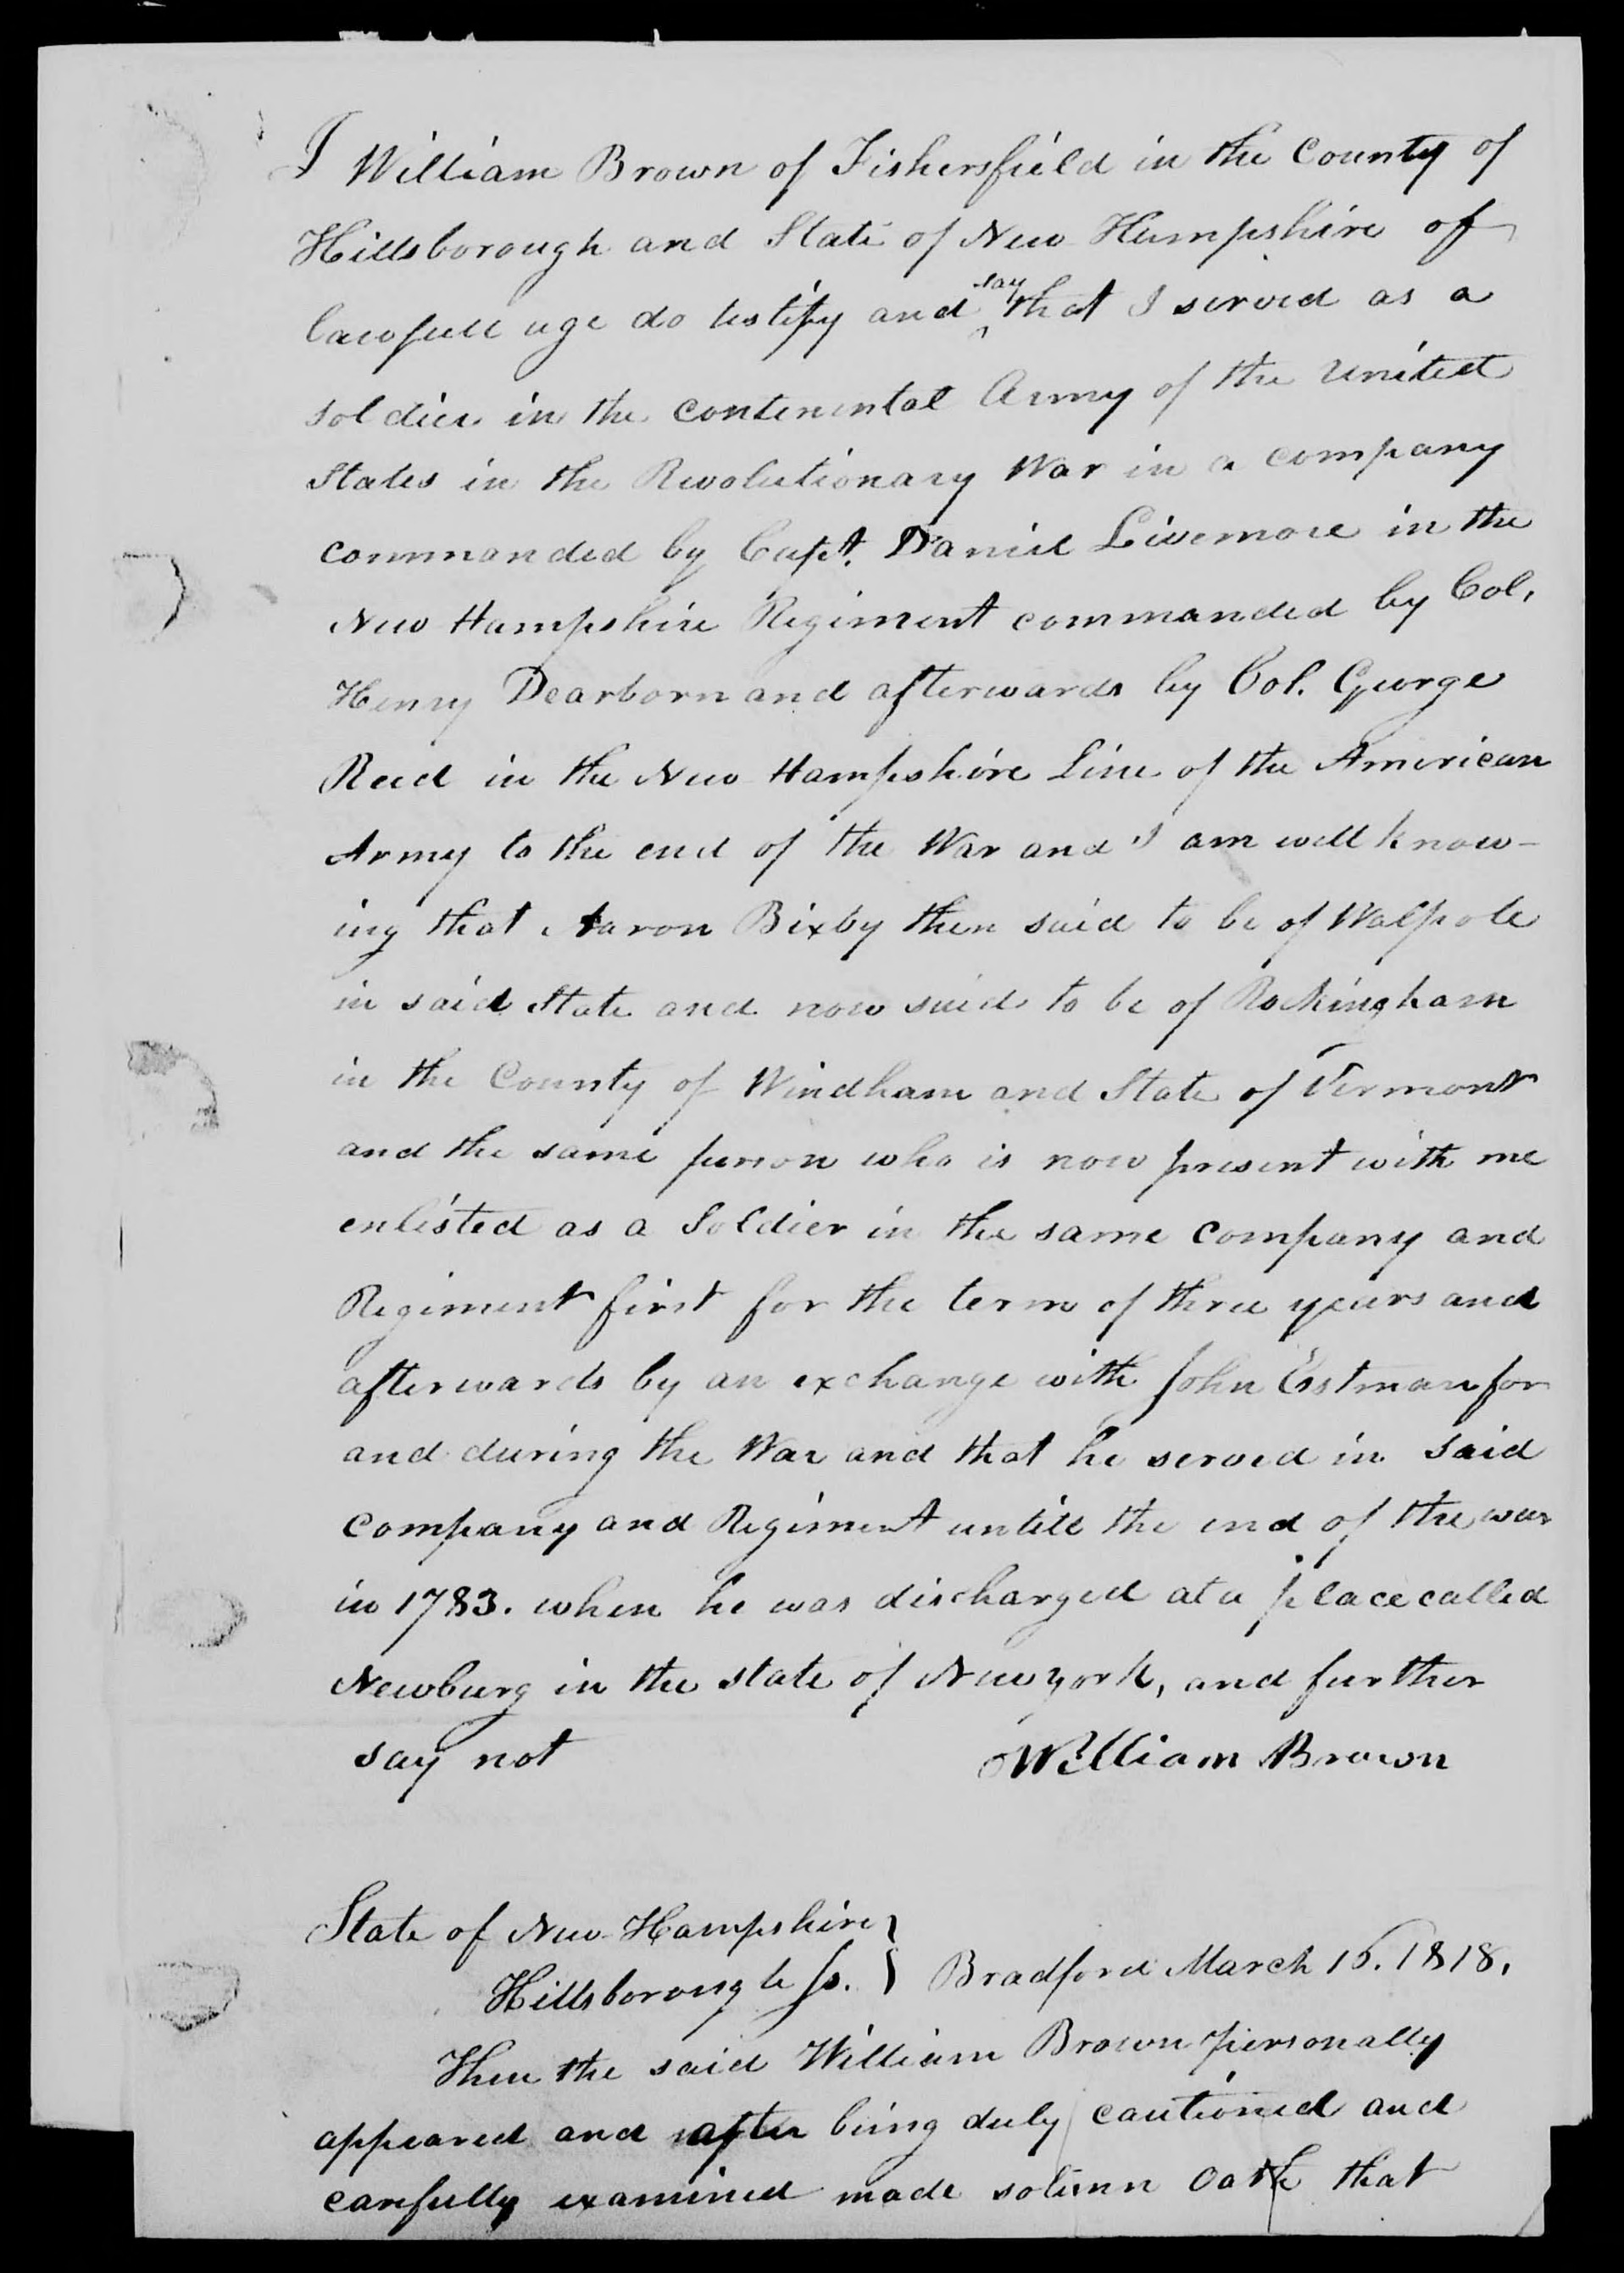I William Brown of Fishersfield in the County of 
Hillsborough and State of New Hampshire of 
lawfull [lawful] age do testify and say that I served as a 
soldier in the continental army of the United 
States in the Revolutionary War in a company 
commanded by Capt. Daniel Livermore in the 
New Hampshire Regiment commanded by Col. 
Henry Dearborn and afterwards by Col. George 
Reed in the New Hampshire Line of the American 
Army to the end of the War and I am well know
ing that Aaron Bixby then said to be of Walpole 
in said State and now said to be of Rockingham 
in the County of Windham and State of Vermont 
and the same person who is now present with me 
enlisted as a soldier in the same company and 
regiment first for the term of three years and 
afterwards by an exchange with John Eastman for 
and during the War and that he served in said 
company and regiment untill [until] the end of the war 
in 1783, when he was discharged at a place called 
Newburg [Newburgh] in the State of New York, and further 
say not.
William Brown

State of New Hampshire }
Hillsborough Co Ss. }  Bradford March 15, 1818, 
Then the said William Brown personally 
appeared and after being duly cautioned and 
carefully examined made solemn oath that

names: William Brown, William Brown, William Brown, Daniel Livemore, Aaron Bixby, George Reed, Henry Dearborn, John Estman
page: 11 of 17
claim: survivor's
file: S 41436, Aaron Bixby, N.H.